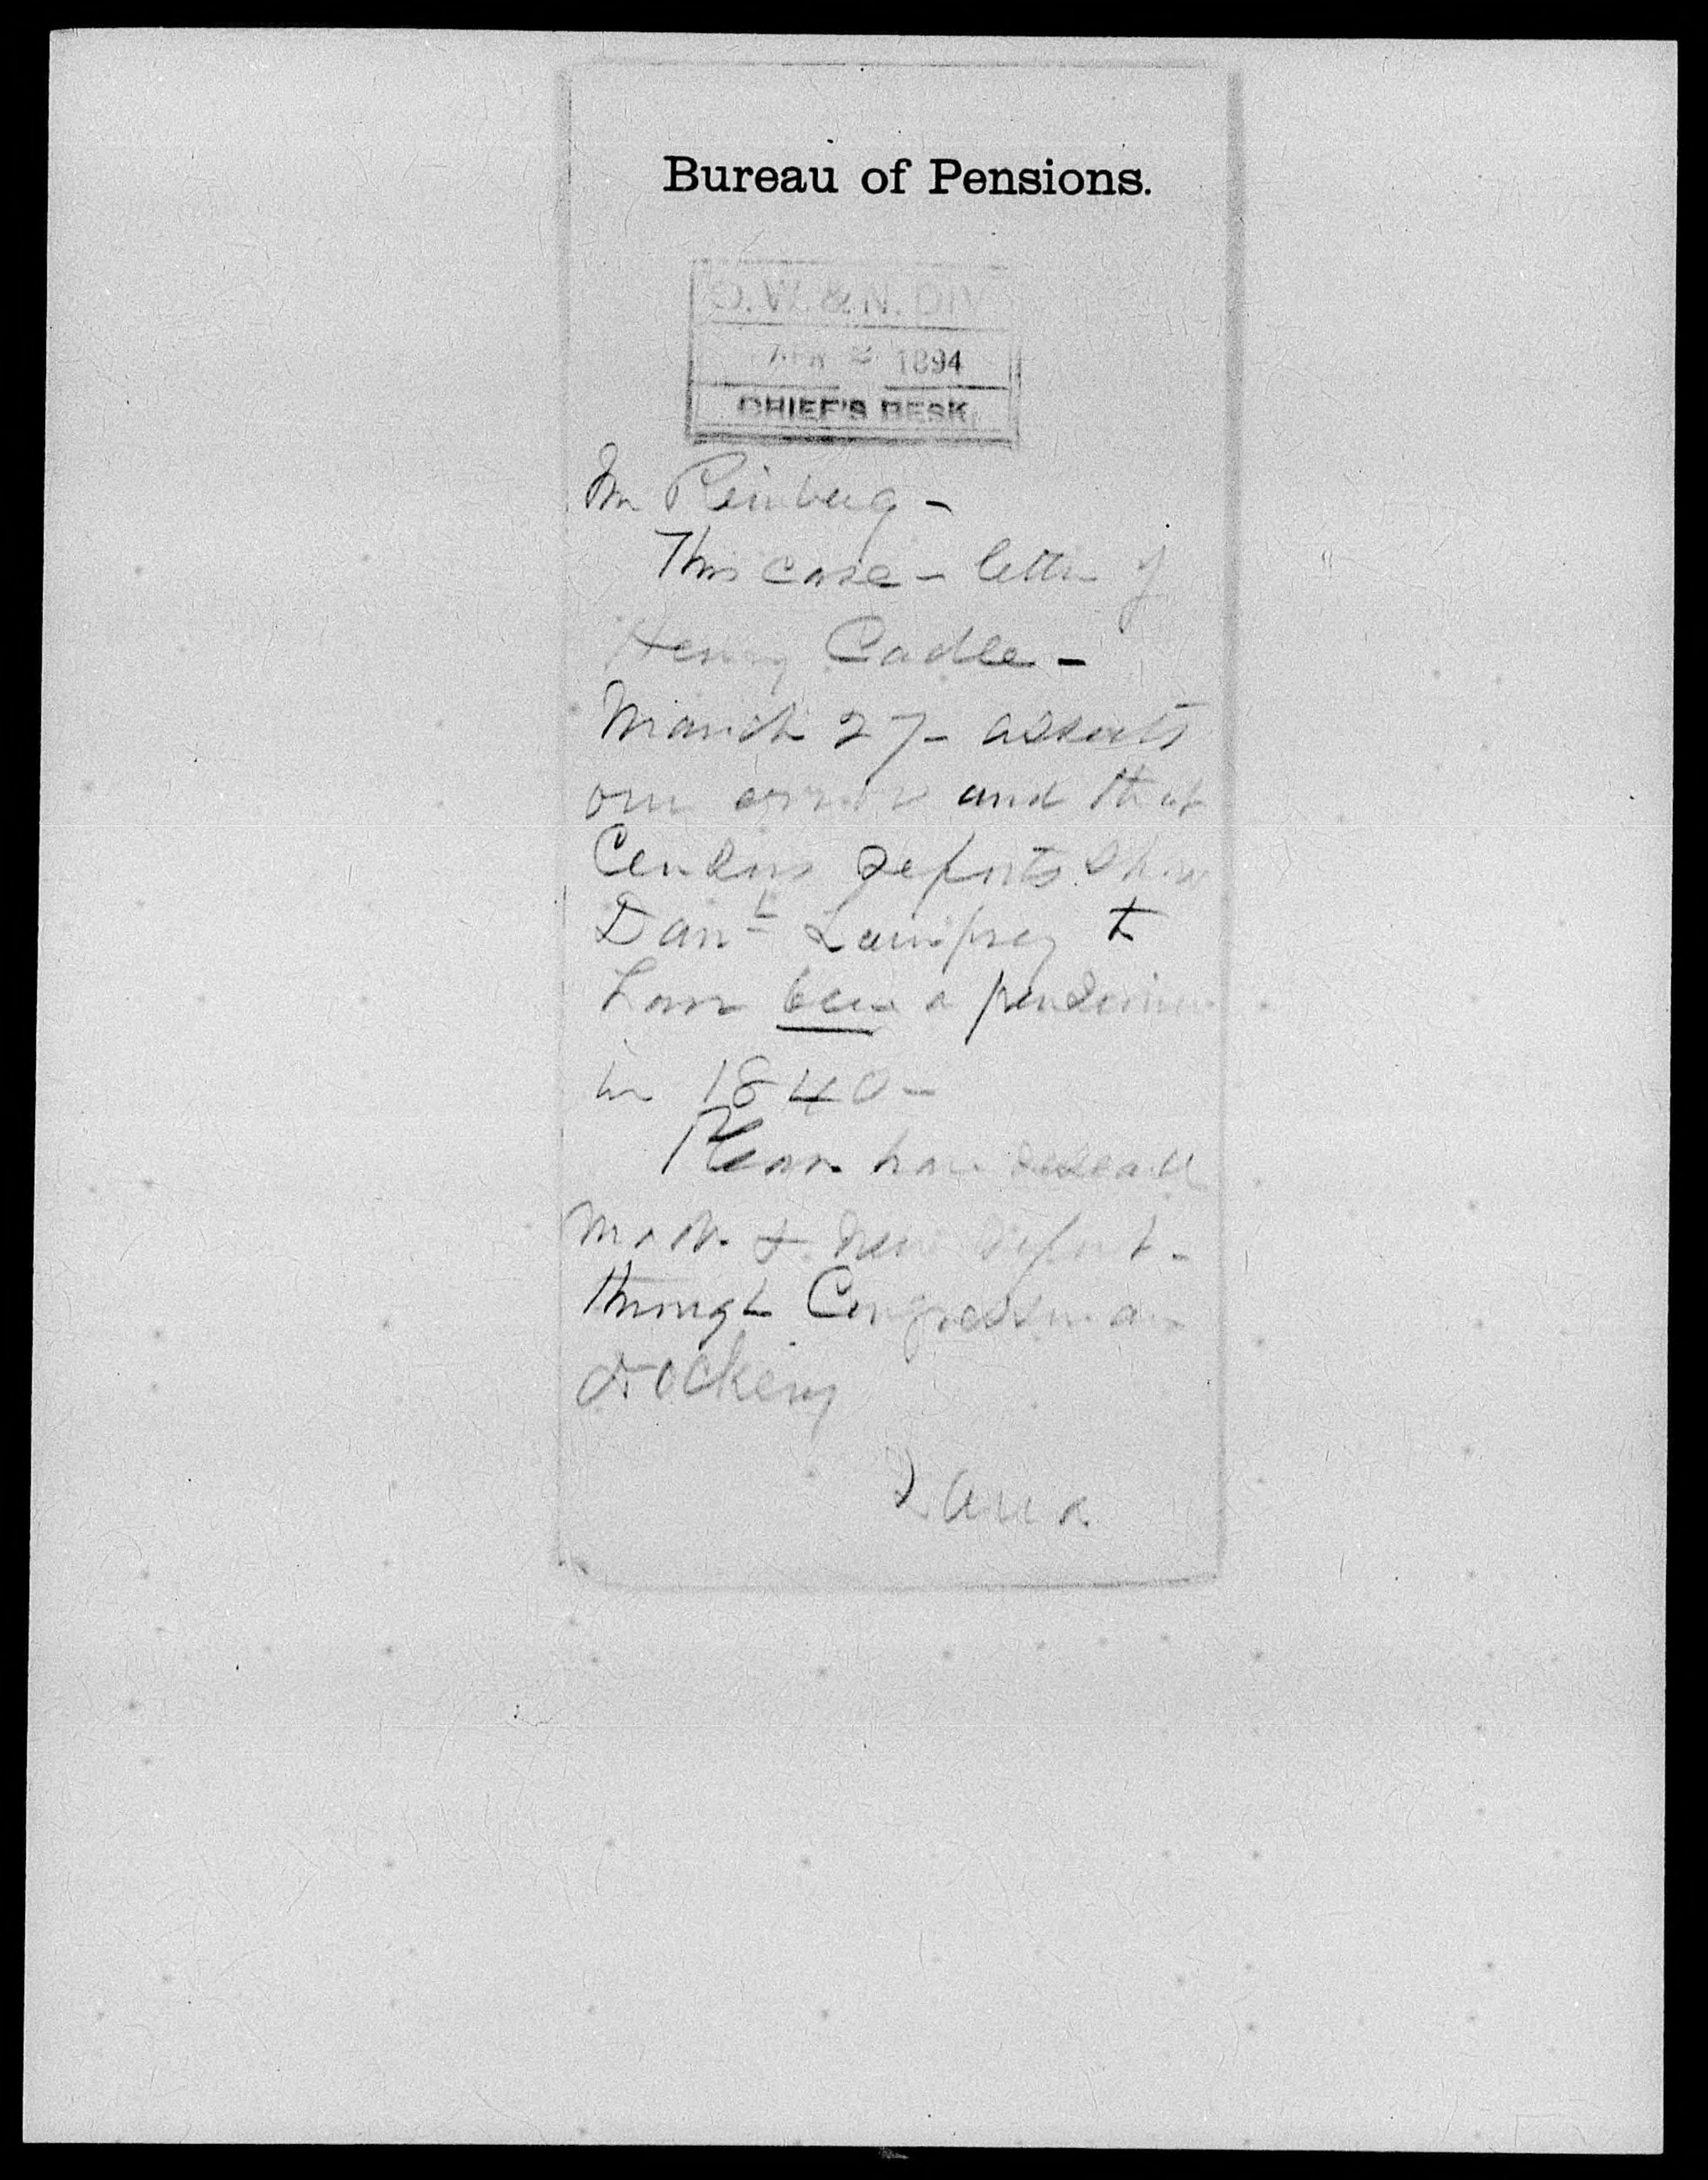Bureau of Pensions.
O.W. & N. DIV APR 2 1894
CHIEF'S DESK

Mr Reinberg - This case - letter of Henry Cadle 
March 27 - assents our error and that
[illegible] reports show Danl [DANIEL] Lamprey
has been a pensioner in 1840-
Please have [illegible] & [illegible] Congressman
Dockery
[illegible]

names: Henry Cadle; Danl Lamprey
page: 26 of 53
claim: widow's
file: W. 492, for Daniel Lamprey, New Hampshire